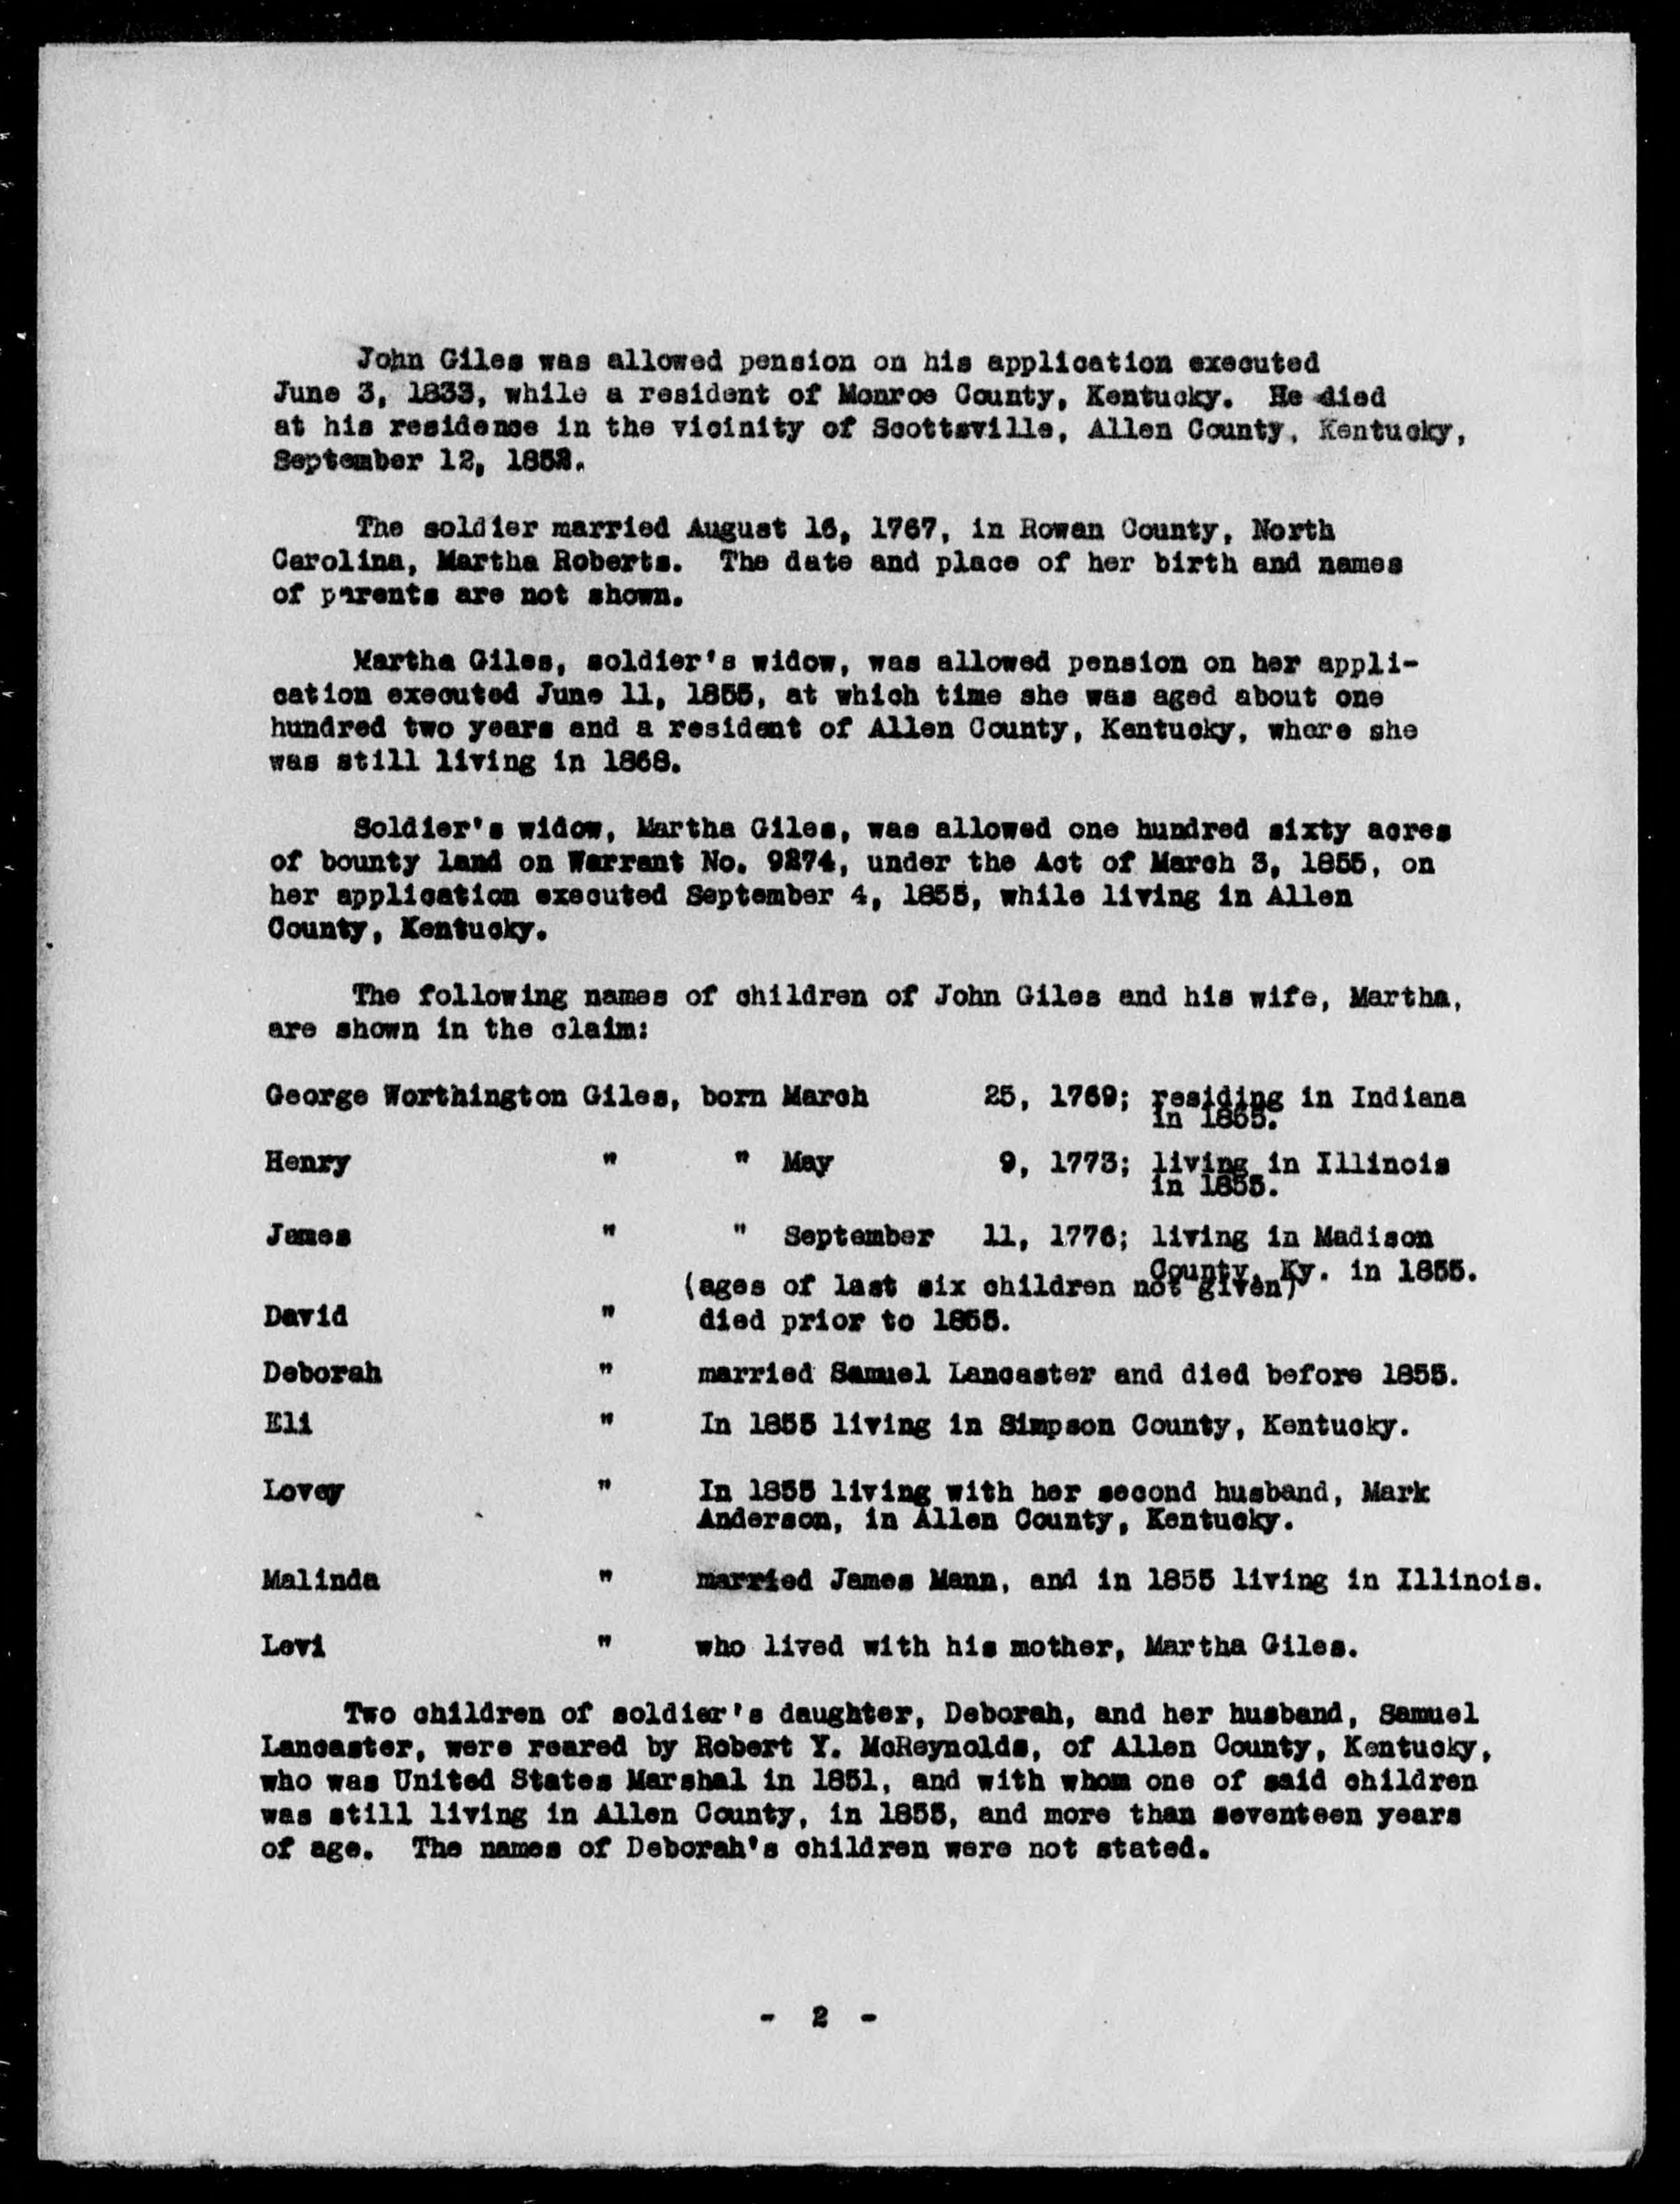John Giles was allowed pension on his application executed June 3, 1833, while a resident of Monroe County, Kentucky. He died at his residence in the vicinity of Scottsville, Allen County, Kentucky, September 12, 1852.

Th solider married August 16, 1767, in Rowan County, North Carolina, Martha Roberts. The date and place of her birth and names of parents are not shown.

Martha Giles, soldier's widow, was allowed pension on her application executed June 11, 1855, at which time she was aged about one hundred two years and a resident of Allen County, Kentucky, where she was still living in 1868.

Soldier's widow, Martha Giles, was allowed one hundred sixty acres of bounty land on Warrant No. 9274, under the Act of Mach 3, 1855, on her application executed September 4, 1855, while living in Allen County, Kentucky.

The following names of children of John Gils and his wife, Martha, are shown in the claim:

George Worthington Giles, born March 25, 1769; residing in Indiana in 1855.

Henry Giles, born May 9, 1778; living in Illinois in 1855.

James Giles born September 11, 1776; living in Maidson County, Ky. in 1855.

(ages of last six children not given)

David Giles died prior to 1855.

Deborah Giles married Samuel Lancaster and died before 1855.

Eli Giles in 1855 living in Simpson County, Kentucky.

Lovey Giles In 1855 living with her second husband, Mark Anderson, in Allen County, Kentucky.

Malinda Giles married James Mann, and in 1855 living in Illinois.

Levi Giles who lived with his mother, Martha Giles.


Two children of soldier's daughter, Deborah, and her husband, Samuel Lancaster, were reared by Robert Y. McReynolds, of Allen County, Kentucky, who was United States Marshal in 1851, and with whom one of said children was still living in Allen County, in 1855, and more than seventeen years of age. The names of Deborah's children were not stated.

2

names: Eli Giles, Levi Giles, George Worthington Giles, Martha Giles, Deborah, Martha Roberts, John Giles, Martha Giles, David Giles, Malinda Giles, Henry Giles, Martha Giles, James Mann, James Giles, Mark Anderson, John Giles, Lovey Giles, Samuel Lancaster, Robert Y Mc Reynolds, Samuel Lancaster, Deborah, Martha, Deborah Giles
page: 39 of 82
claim: widow's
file: W. 7,522, John Giles, N.C.